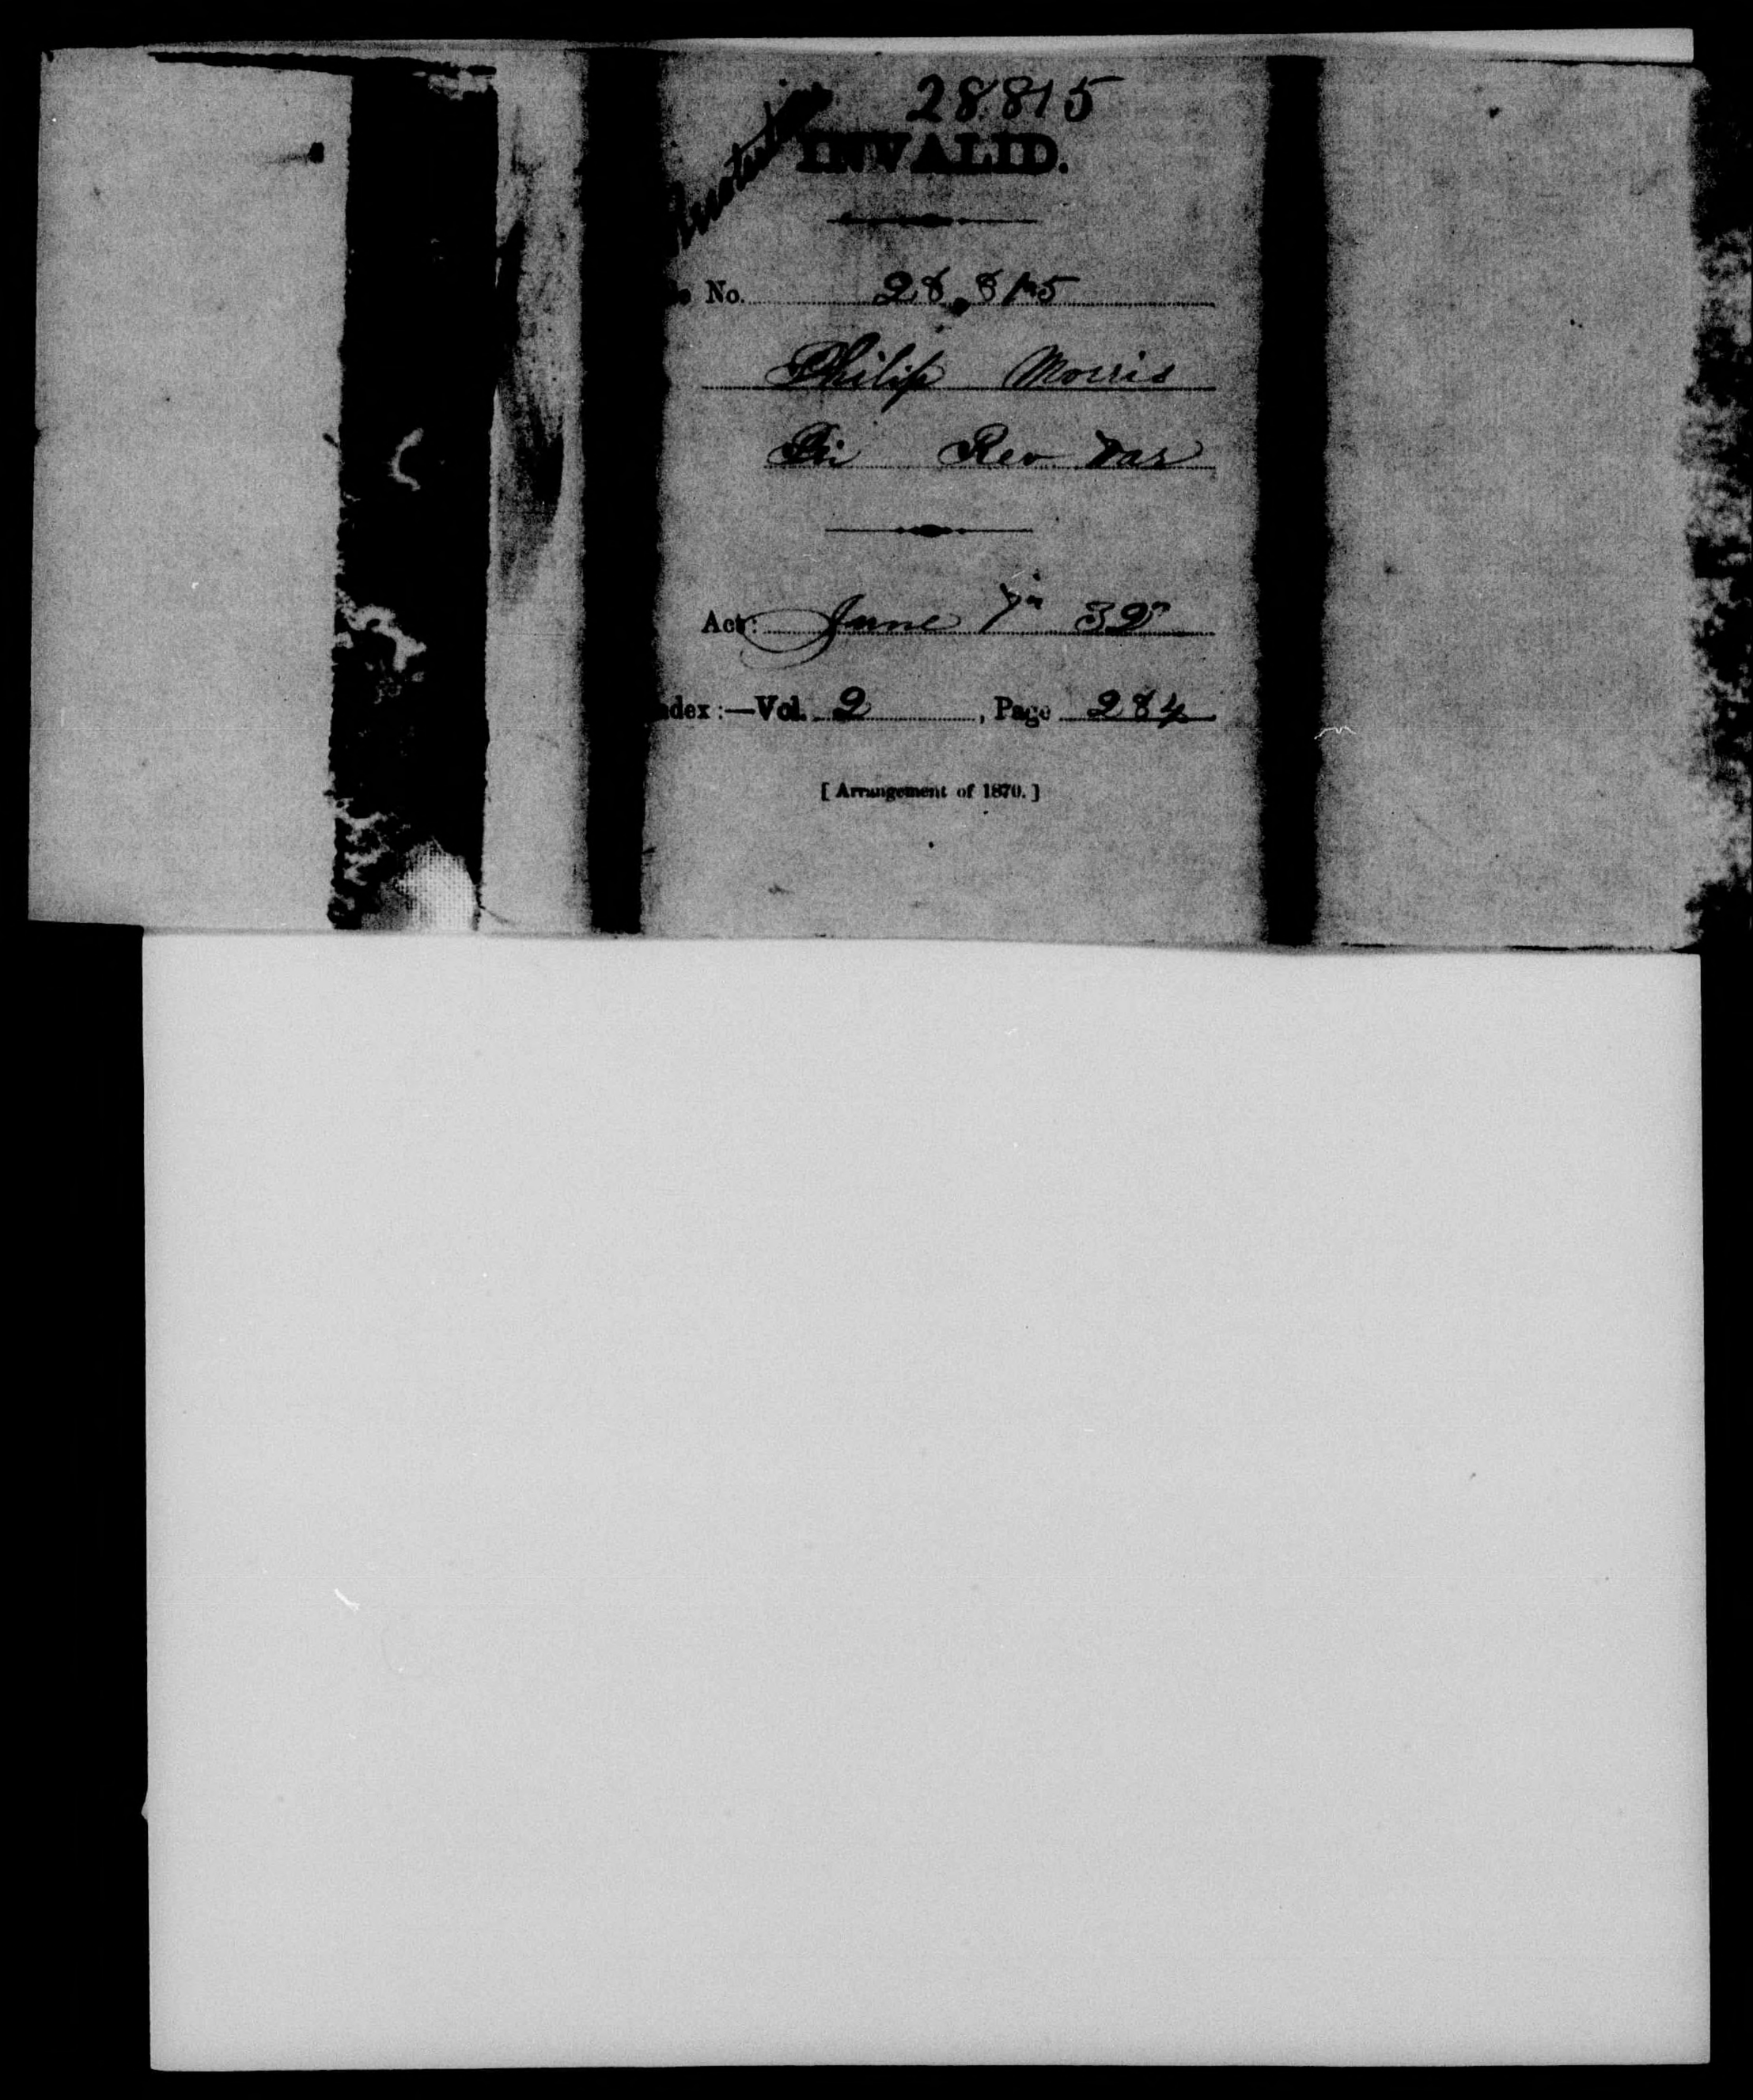28.815
INVALID
No. 28.815
Philip Morris
Pri Rev War

Act: June 7th 39
Index: - Vol. 2, Page 284

Arrangement of 1870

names: Philip Morris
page: 22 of 44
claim: survivor's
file: S. 28,815, for Philip Morris, Rhode Island